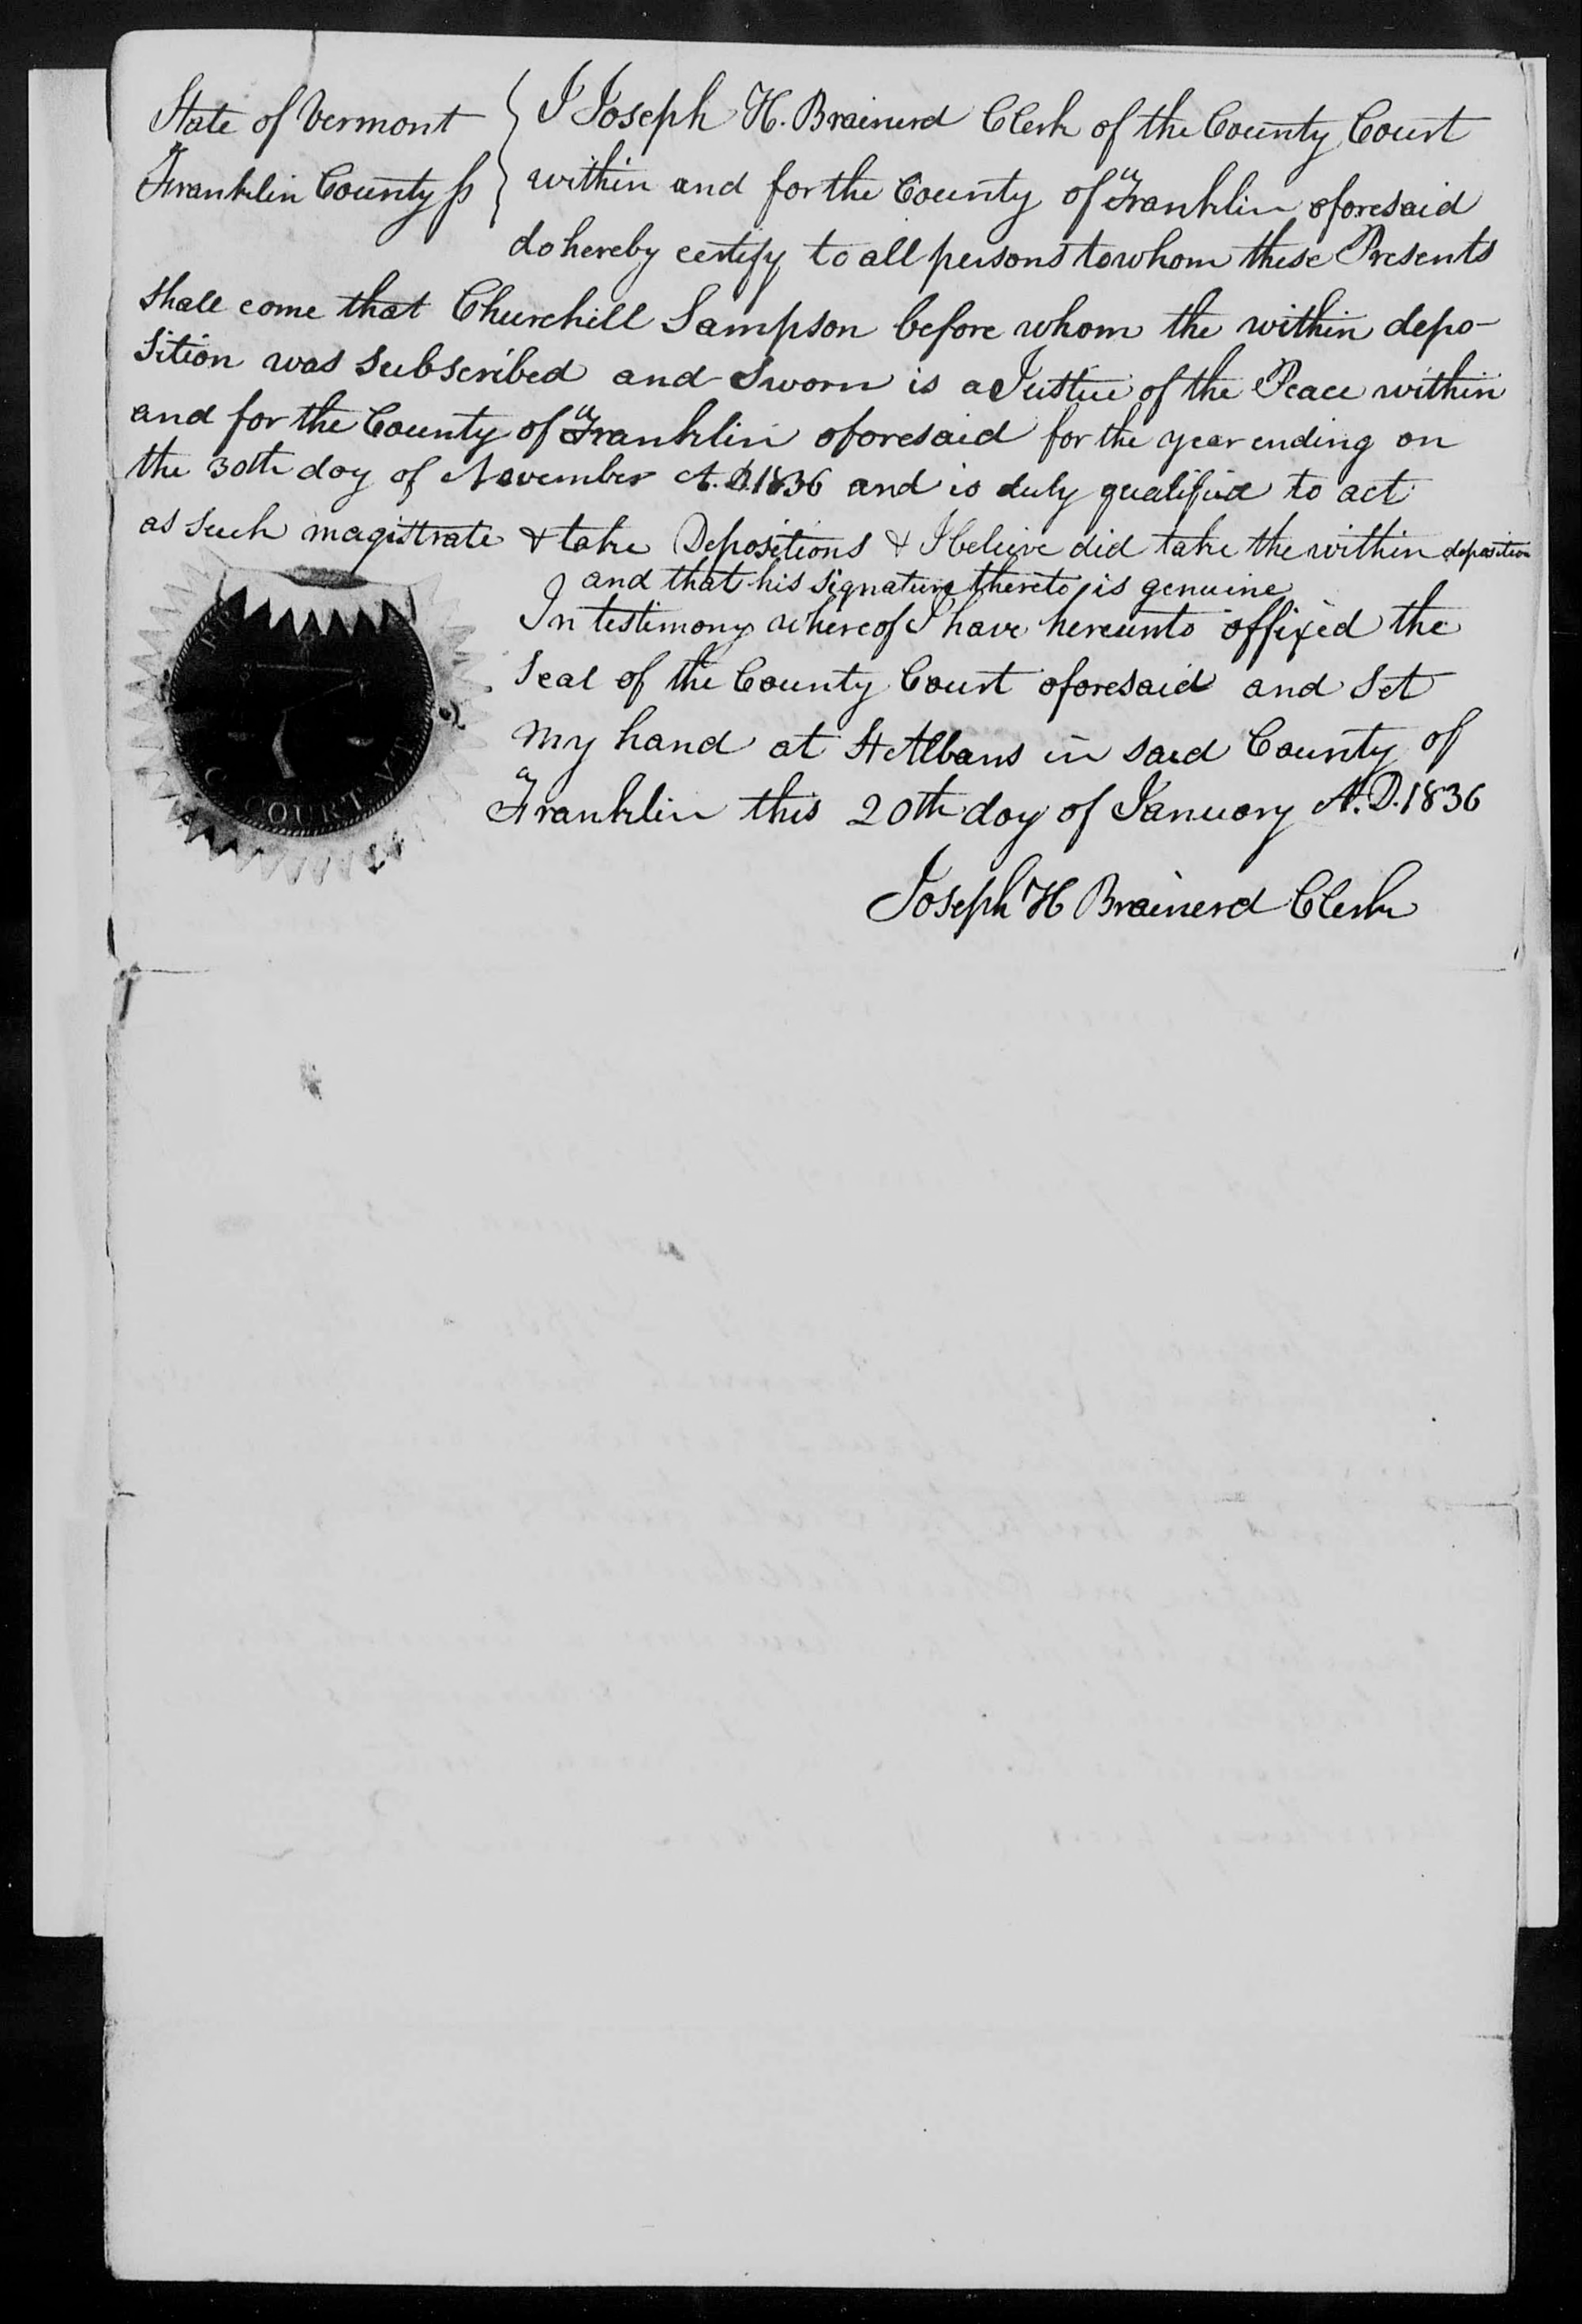State of Vermont   } I Joseph H. Brainerd 
Franklin County ss } Clerk of the County Court within and for the County of Franklin aforesaid do hereby certify to all persons to whom these Presents shall come that Churchill Sampson before whom the within deposition was subscribed and sworn is a Justice of the Peace within and for the County of Franklin aforesaid for the year ending on the30th day of November A.D.1836 and is duly qualified to act as such magistrate & take Depositions & I believe did take the within deposition and that his signature thereto is genuine 
In testimony whereof I have hereunto affixed the Seal of the County Court aforesaid and set my hand at St Albans in said County of Franklin this 20th day of January A.D.1836

[Seal]
Joseph H Brainerd Clerk [signature]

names: Joseph H Brainerd, Joseph H Brainerd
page: 84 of 100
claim: survivor's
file: S 19186, James Austin, Conn. New York R.I.